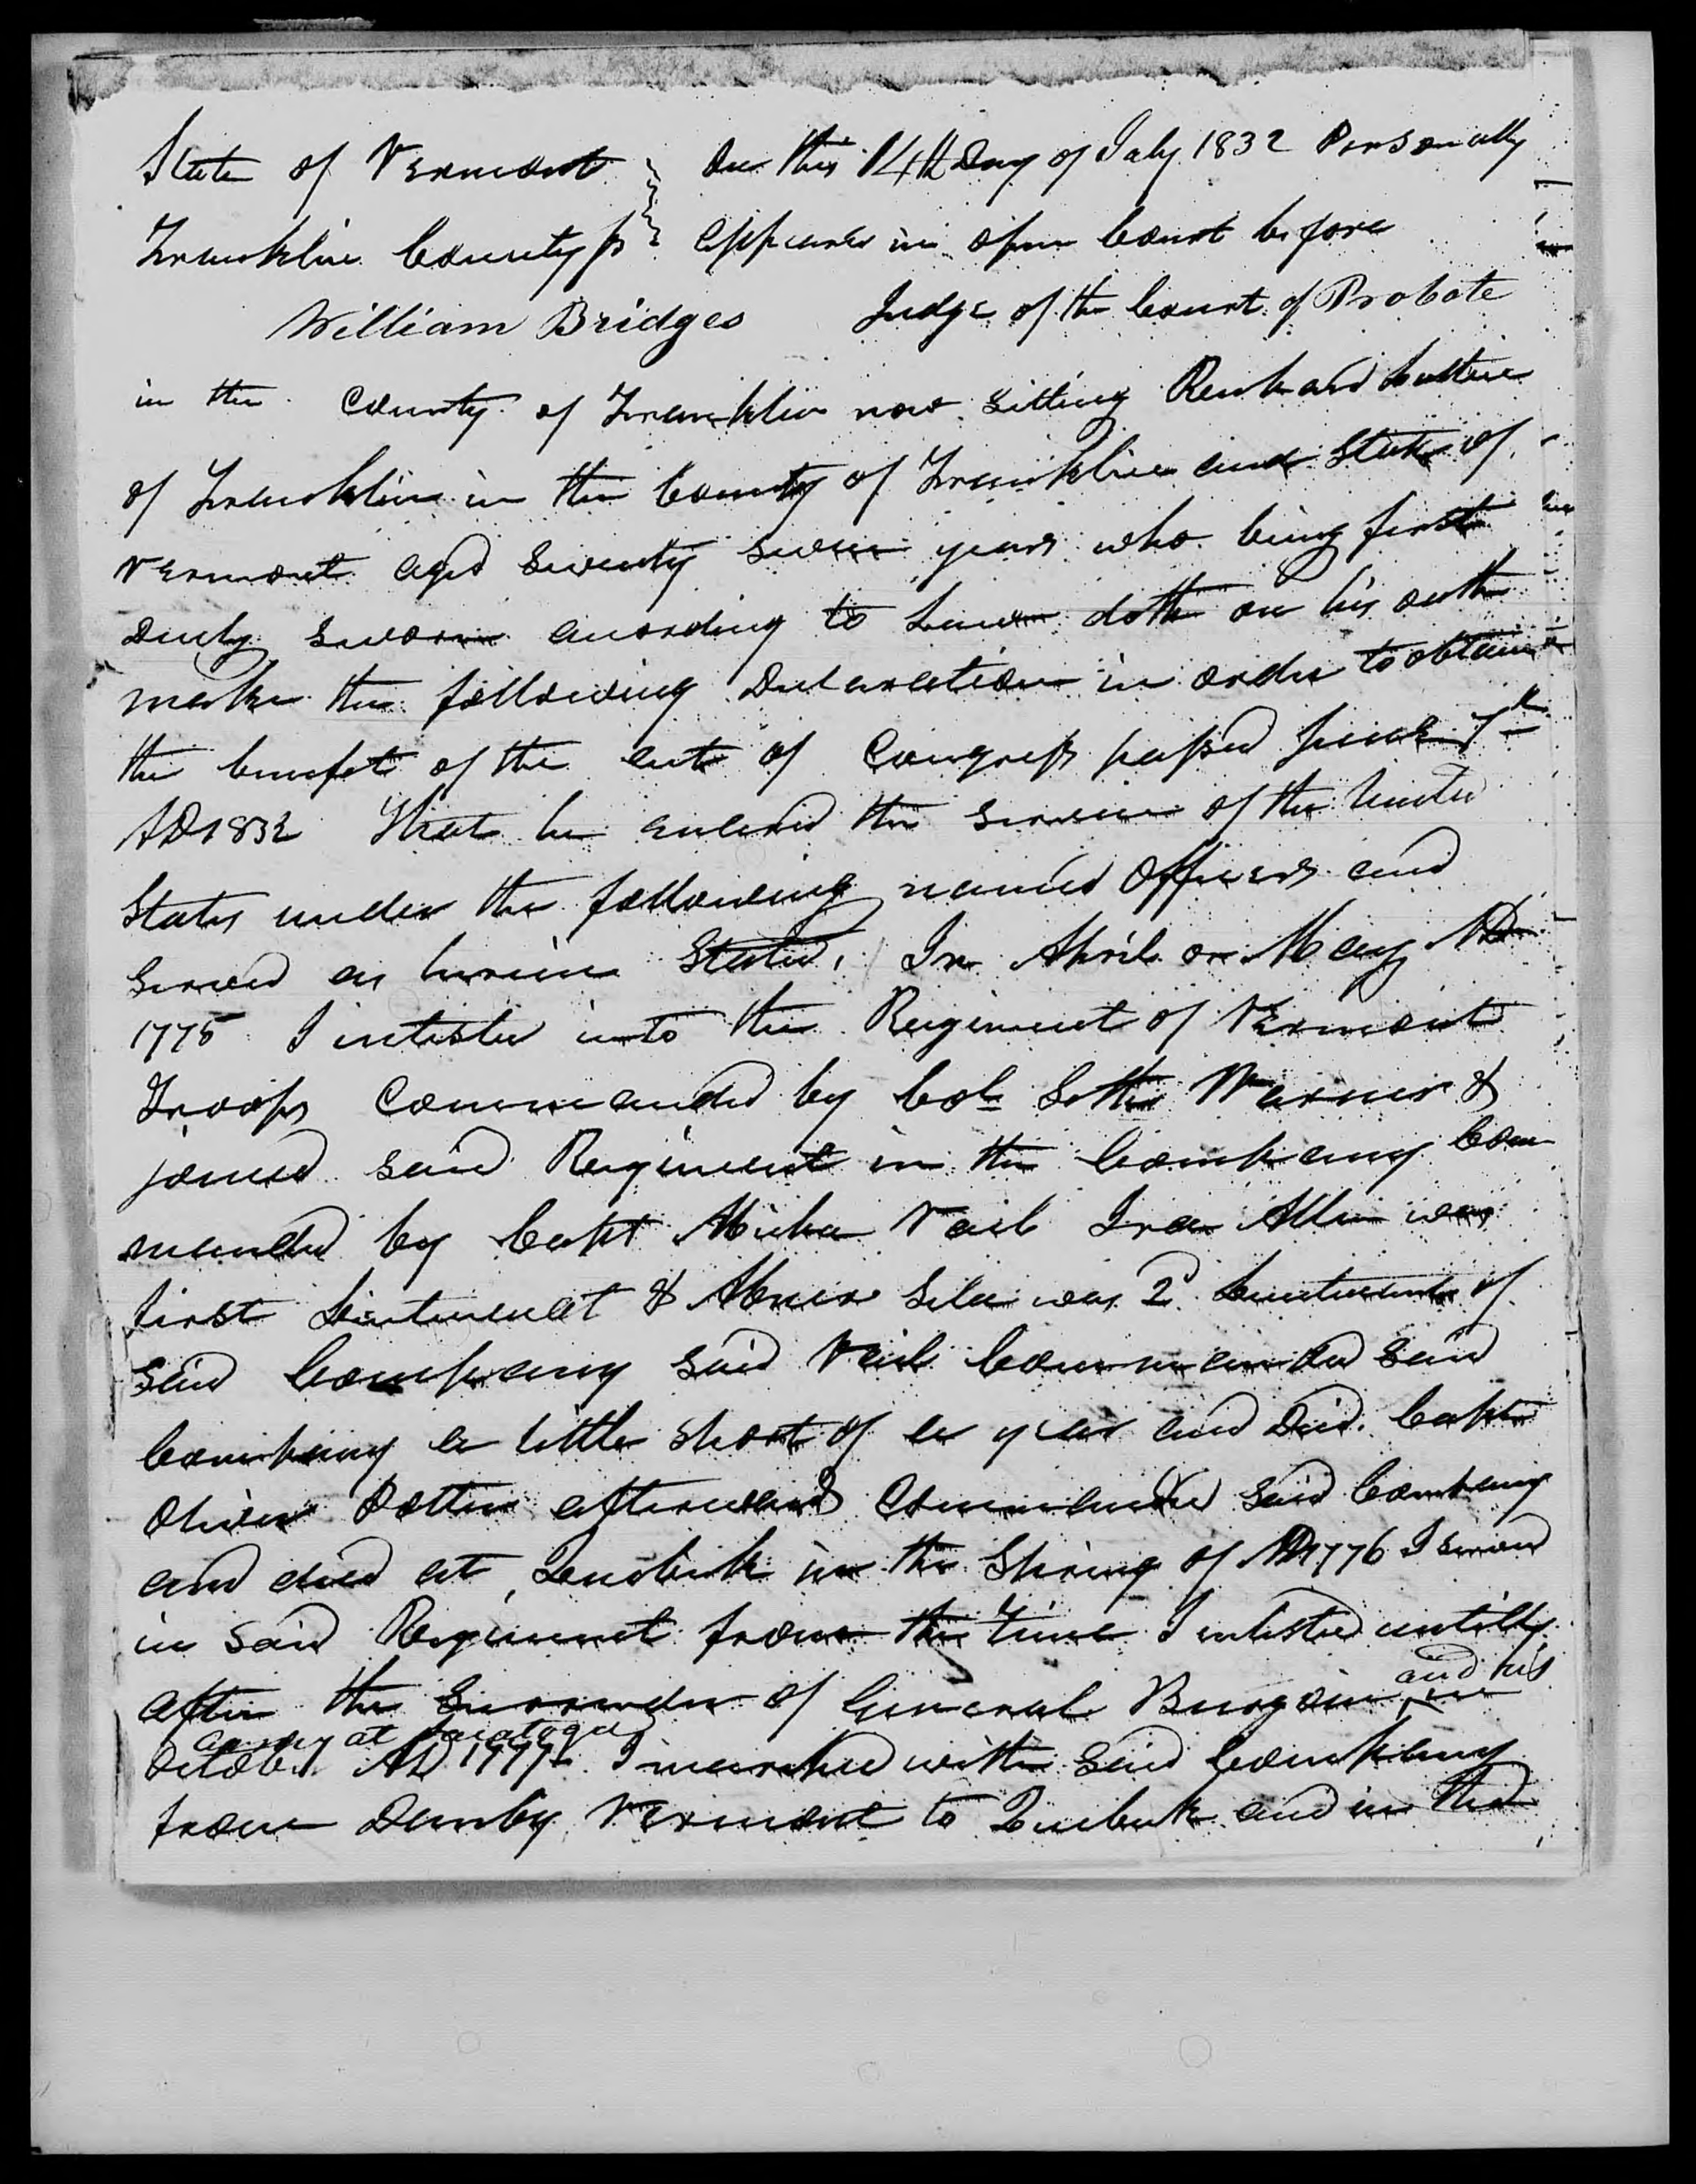State of Vermont Franklin County ss
On this 14th day of July 1832 Personally
appeared in open Court before in the
William Bridges, Judge of the Court of Probate in the
County of Franklin now sitting Richard Lattin,
of Franklin in the County of Franklin and State of
Vermont aged seventy seven years who being first
duly sworn according to Law doth on his oath
make the following declaration in order to obtain
the benefit of the act of Congress passed on June 7
AD 1832. That he entered the service of the United States
under the following named officers and served as herein
stated. In April or May A.D. 1775 I enlisted into the Regiment of Vermont Troops commanded by Col Seth Warner &
joined said Regiment in the Company commanded by Capt Micha Vail. Ira Allen was first Lieutenant & Abner Selee was 2d Lieutenant of said Company. Said Vail Commanded said
Company a little short of a year and Died. Capt
Oliver Potter afterward Commanded said Company
and died at Quebeck in the spring of 1776. I served
in said Regiment from the time I enlisted untill
after the surrender of General Burgoyne and his amy at Saratoga in October AD 1777. I marched with said Company
From Danby Vermont to Quebeck and in the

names: Abner Sela; Richard Lattin; Abisha Vail; Seth Warner; Ira Allen; William Bridges; [BLANK] Burgoin; Oliver Potter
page: 4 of 99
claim: widow's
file: W. 24,482, for Richard Lattin, Vermont